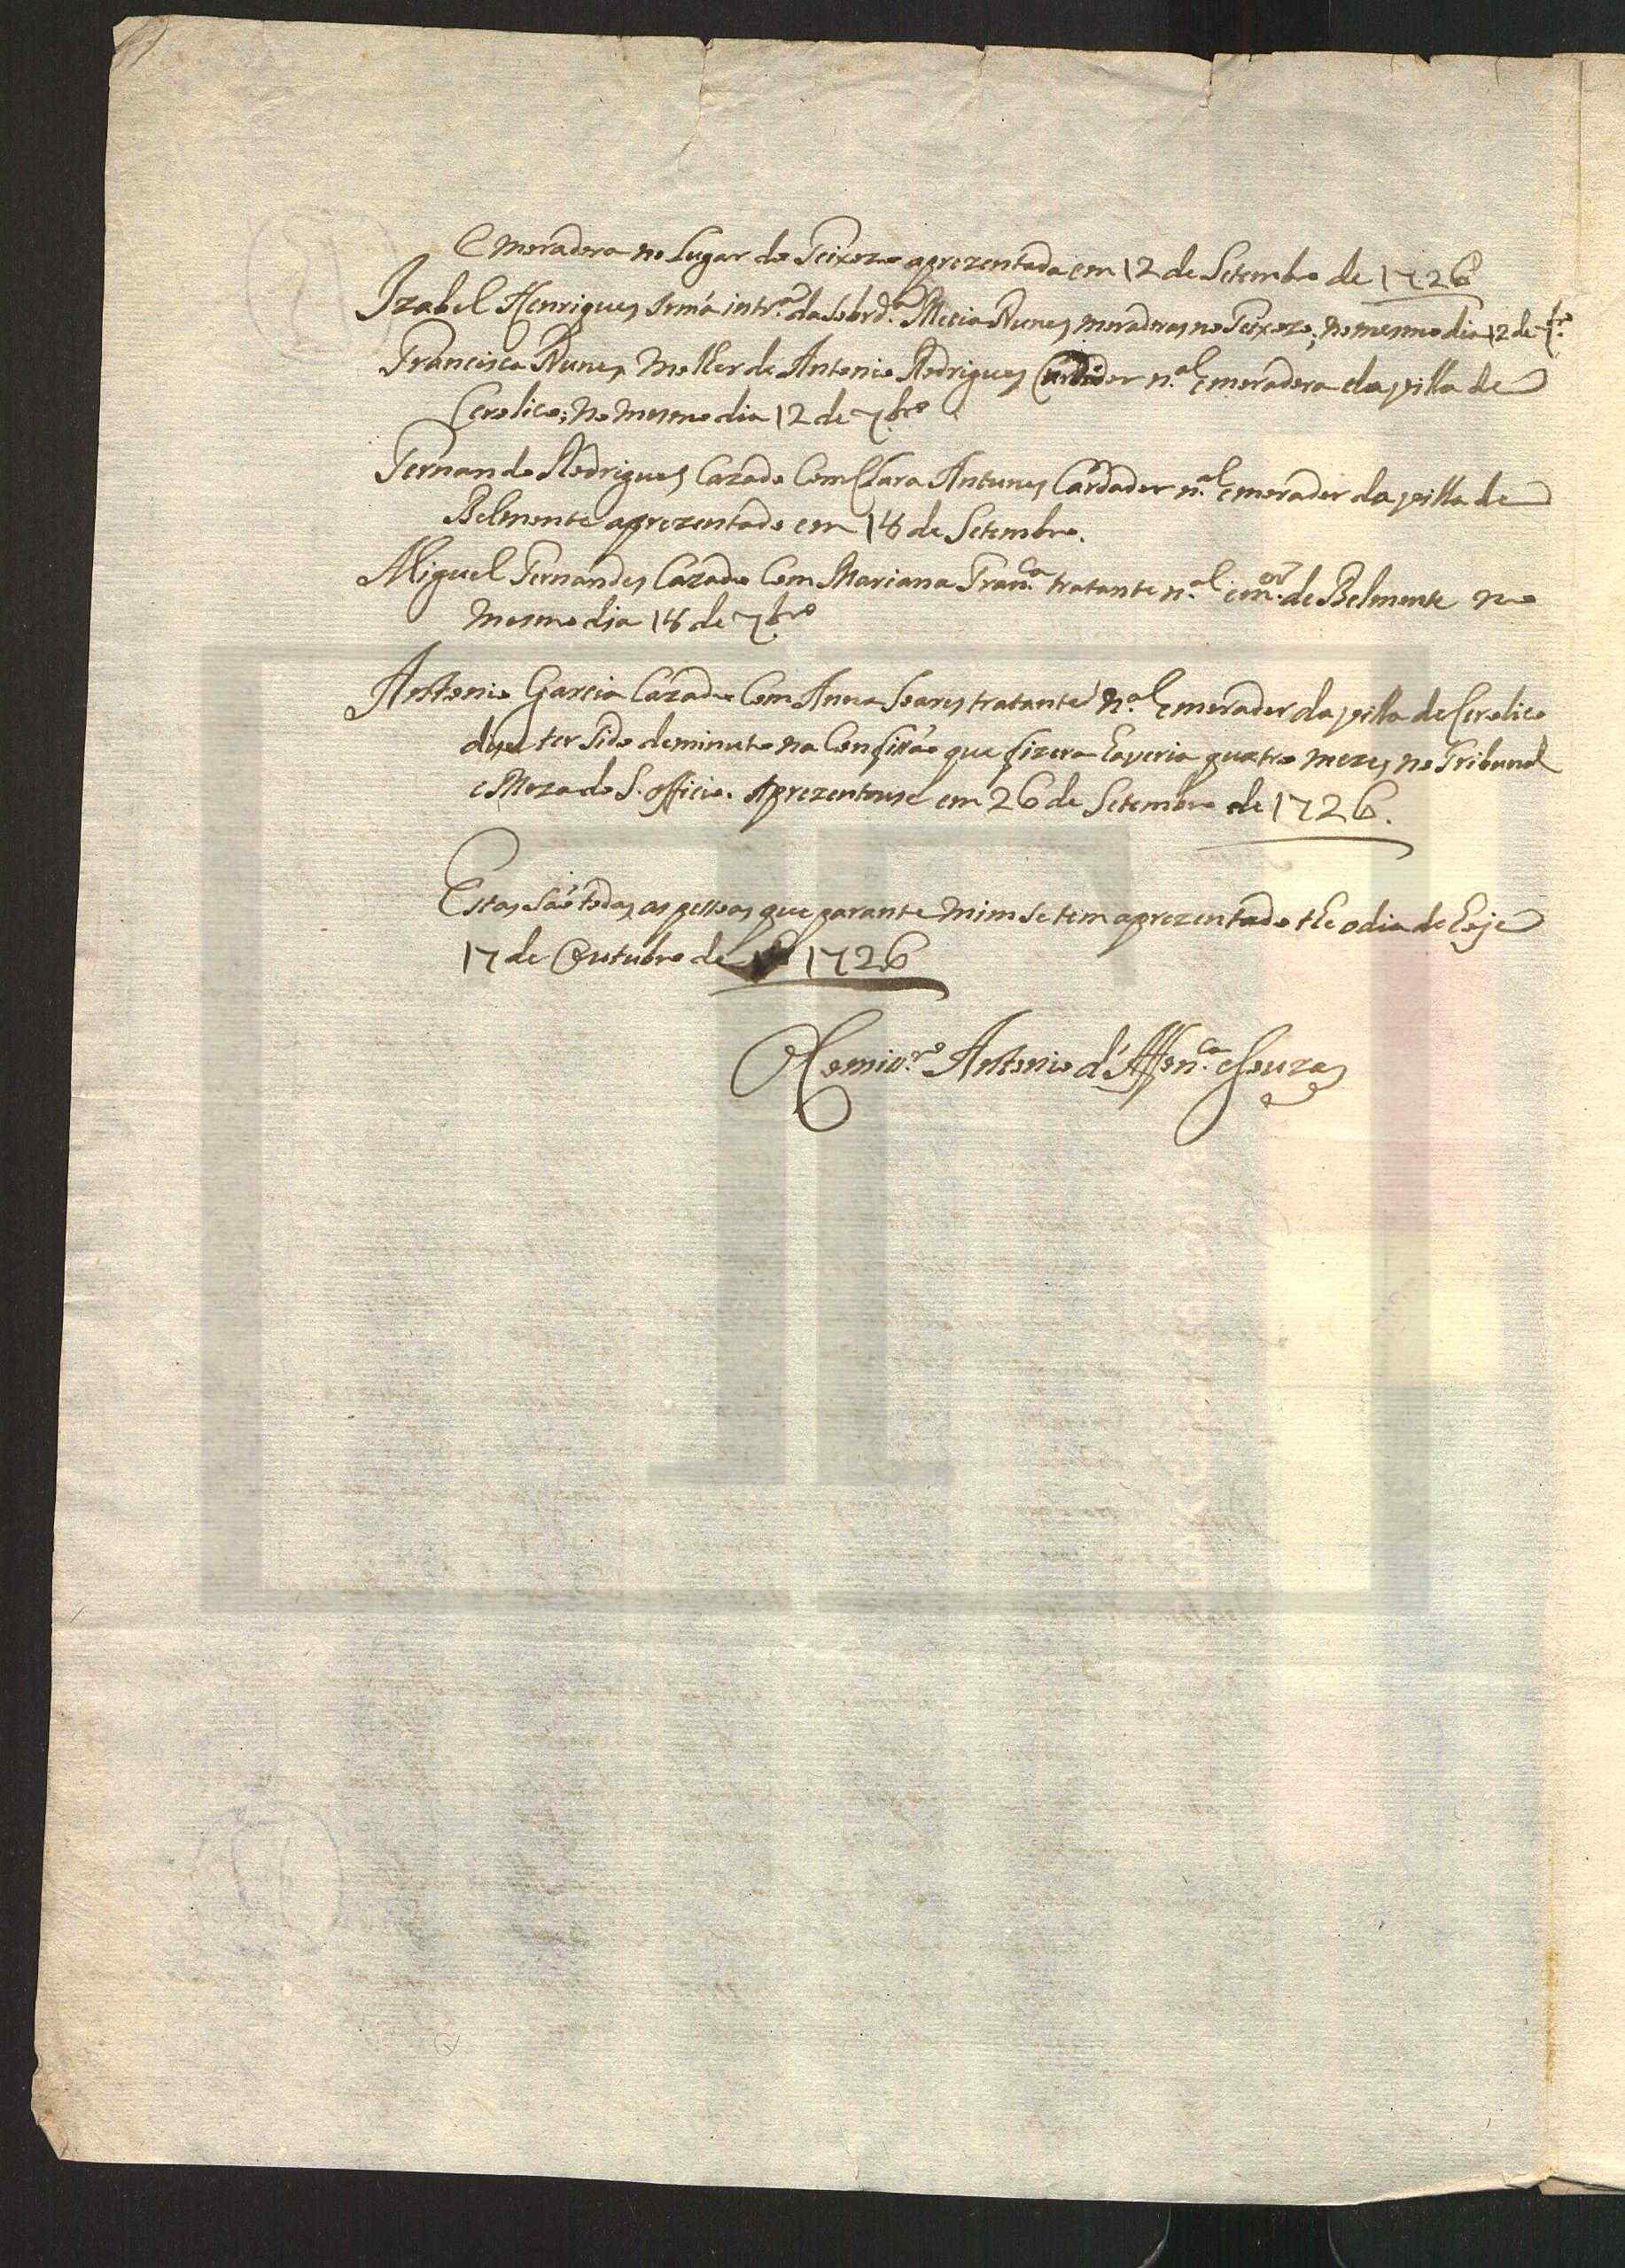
e moradora no Lugar do Teixozo aprezentada em 12 de Setembro de 1726
Izabel Henriques Irmā intr.a da Sobrd.a Mecia Nunes moradoras no Teixozo, no mesmo dia 12 de 7.bro
Francisca Nunes molher de Antonio Rodrigues Cortidor n.al E moradora da villa de
Cerolico, no mesmo dia 12 de 7.bro
Fernando Rodrigues Cazado Com Clara Antunes Cardador n.al e morador da villa de
Belmonte aprezentado em 14 de Setembro.
Miguel Fernandes Cazado Com Mariana Fran.ca tratante n.al e m.or de Belmonte no
mesmo dia 14 de 7.bro
Antonio Garcia Cazado Com Anna Soares tratante n.al e morador da villa de Cerolico
dise ter sido deminuto na Confissão que fizera haveria quatro mezes no Tribunal
e Meza do S. officio. Aprezentouse em 26 de Setembro de 1726.
Estas saõ todas as pessoas que parante mim se tem aprezentado the o dia de hoje
17 de Outubro de 1726
O Comiss.ro Antonio d'Affon.ca e Souza
